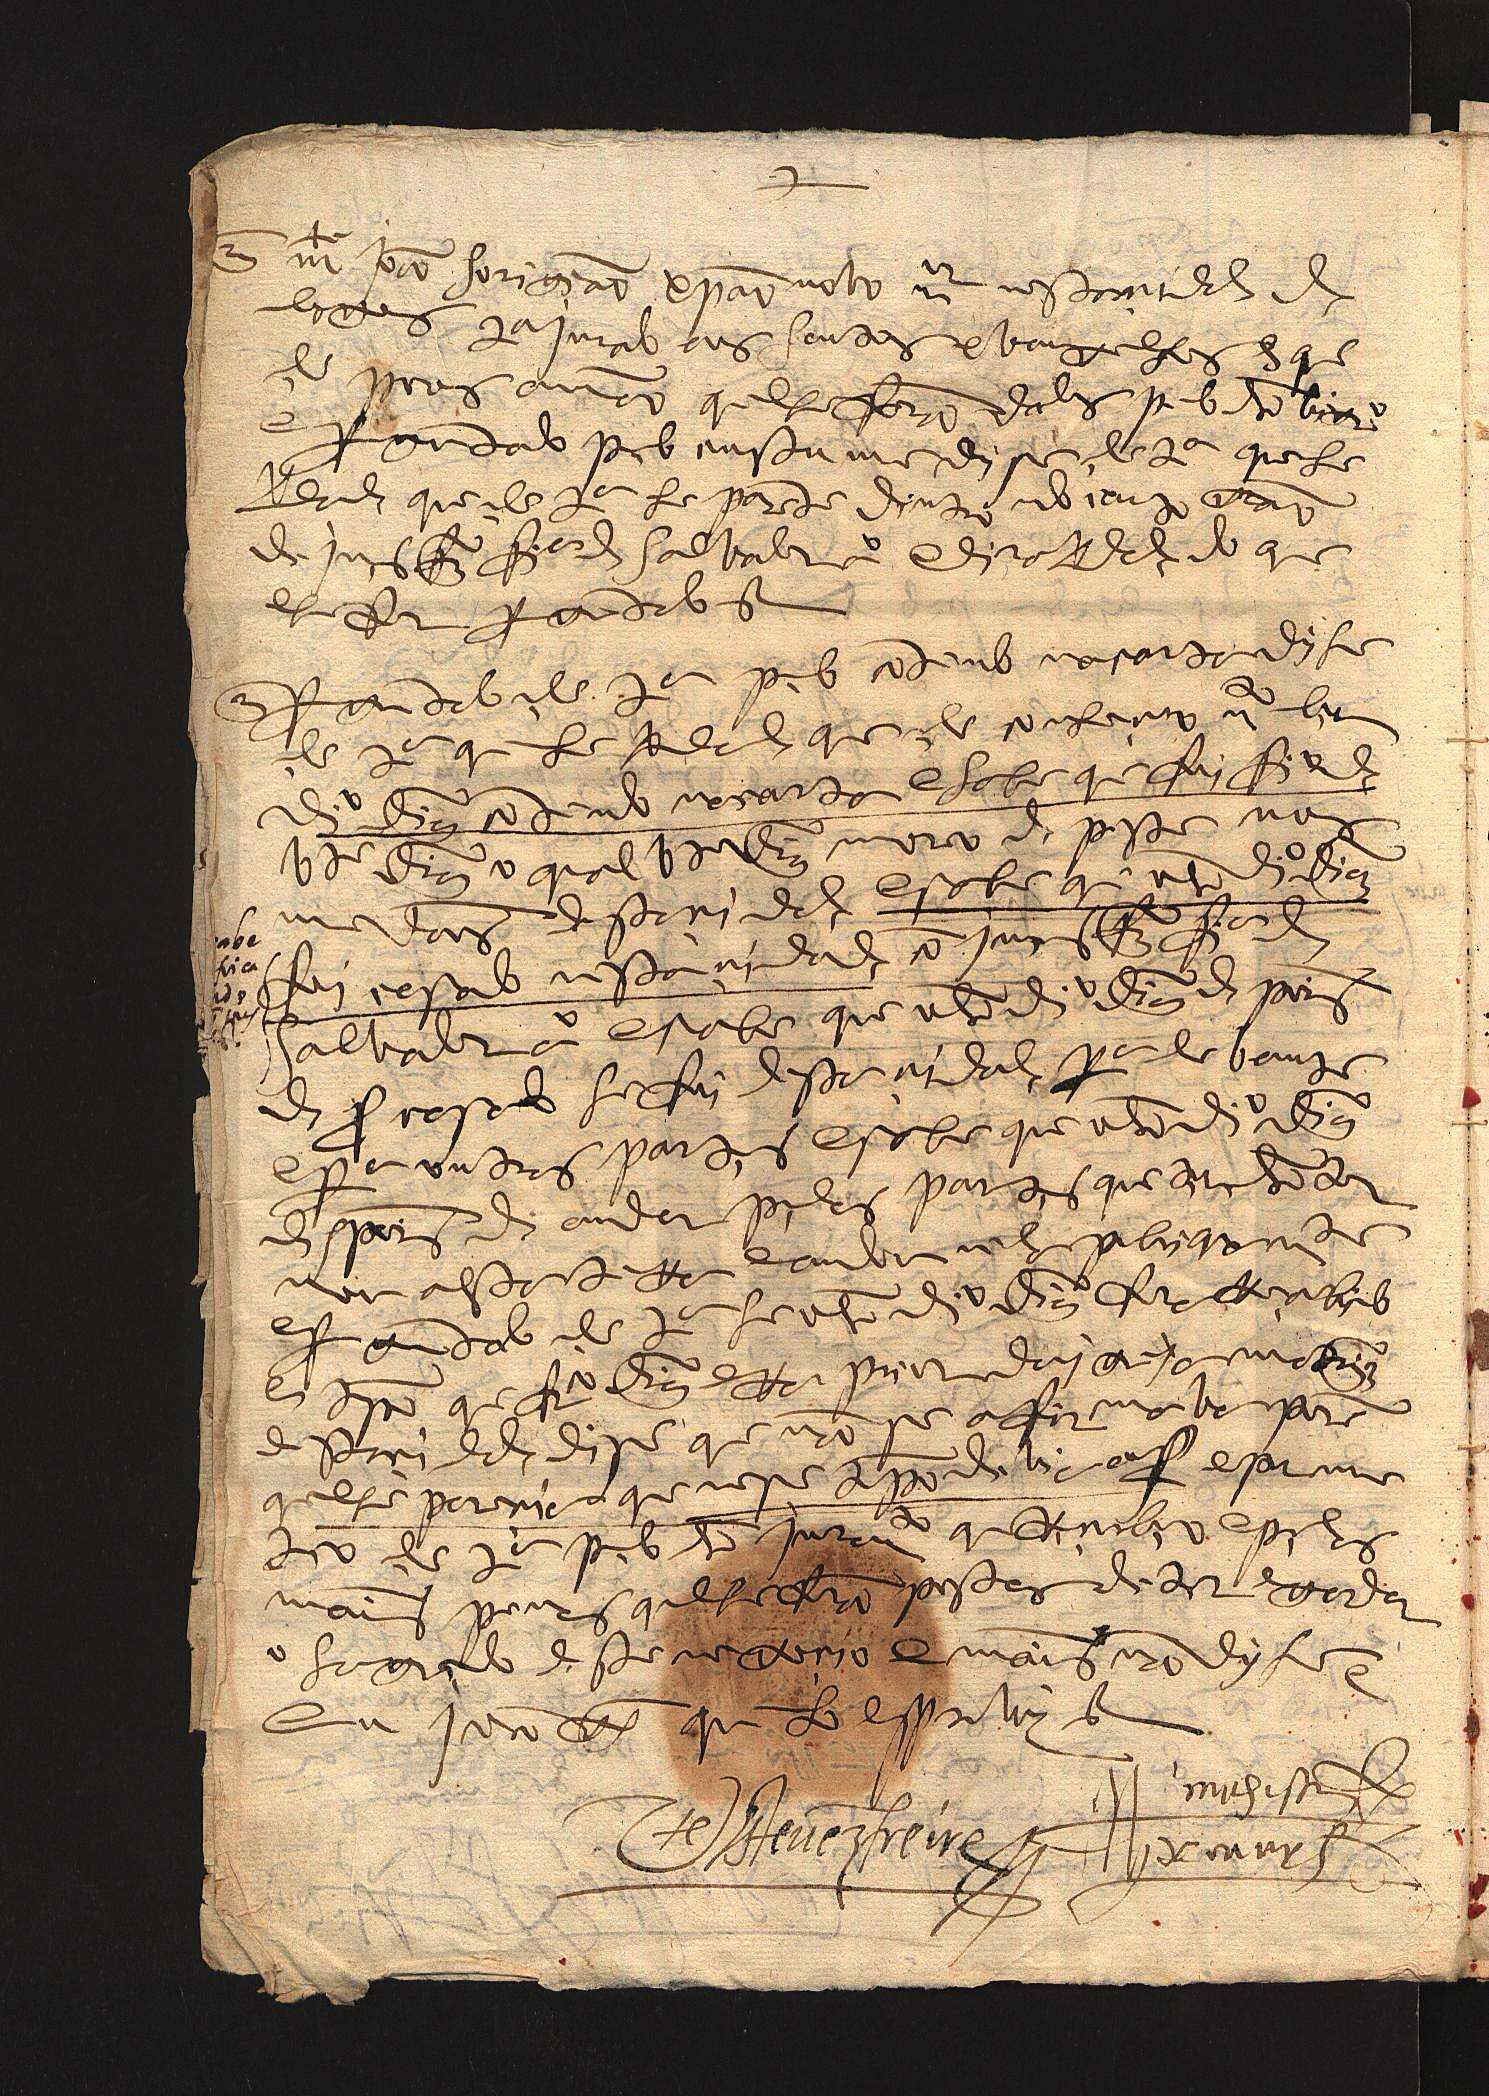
item mte joão sorigeão xpão novo mor nesta çidade de
lagos ta jurado aos Santos evangelhos ē que
ele poos a mão que lhe forão dados pelo d̄to vigro
e ꝑgūtado pelo custume dise ele ta que he
ꝟdade que ele ta he parēte dentro do carto grão
de jnes f̄rz fia de Salvador ao e dira ꝟdade do que
lhe for ꝑgūtado
item ꝑgūtado ele ta pelo cōteudo na carta dyse
ele ta qe he ꝟdade que ele conheçeo mto bem
dio diz̄ cōteudo na carta e sabe que foy fio de
vte diz̄ o qual vte diz̄ moreo de peste nas
mrd̄as desta çidade e sabe que o ħo dio d̄iaz
foj casado nesta çidade c̄o jnes f̄rz fia de
salvador ao e sabe que o ħo djo diaz̄ depois
de ꞩ casado se foj desta çidade ꝑa levante
e ꝑa outras partes e sabe que o ħo dio dias̄
desp̄ois de andar pelas partes que tem ħo tor
nou a sta teRa e andou nele pobriquamte
e ꝑḡutado ele ta se o ħo dio dias̄ fora Reçebido
en tp̄o que frco dias̄ eRa prior da jgreja matriz̄
desta çidade dise qe nõ se afirmaVa porē
que lhe pareçia que noso tp̄o devia o ꞩ e prome
teo ele ta pelo ħo juramto q̄ Reçebeo e pelas
mais prouas que lhe forão postas de ter e gardar
o segredo deste negoçio e m̄ais não dyse e
Eu João ḡz que ho esprevy
